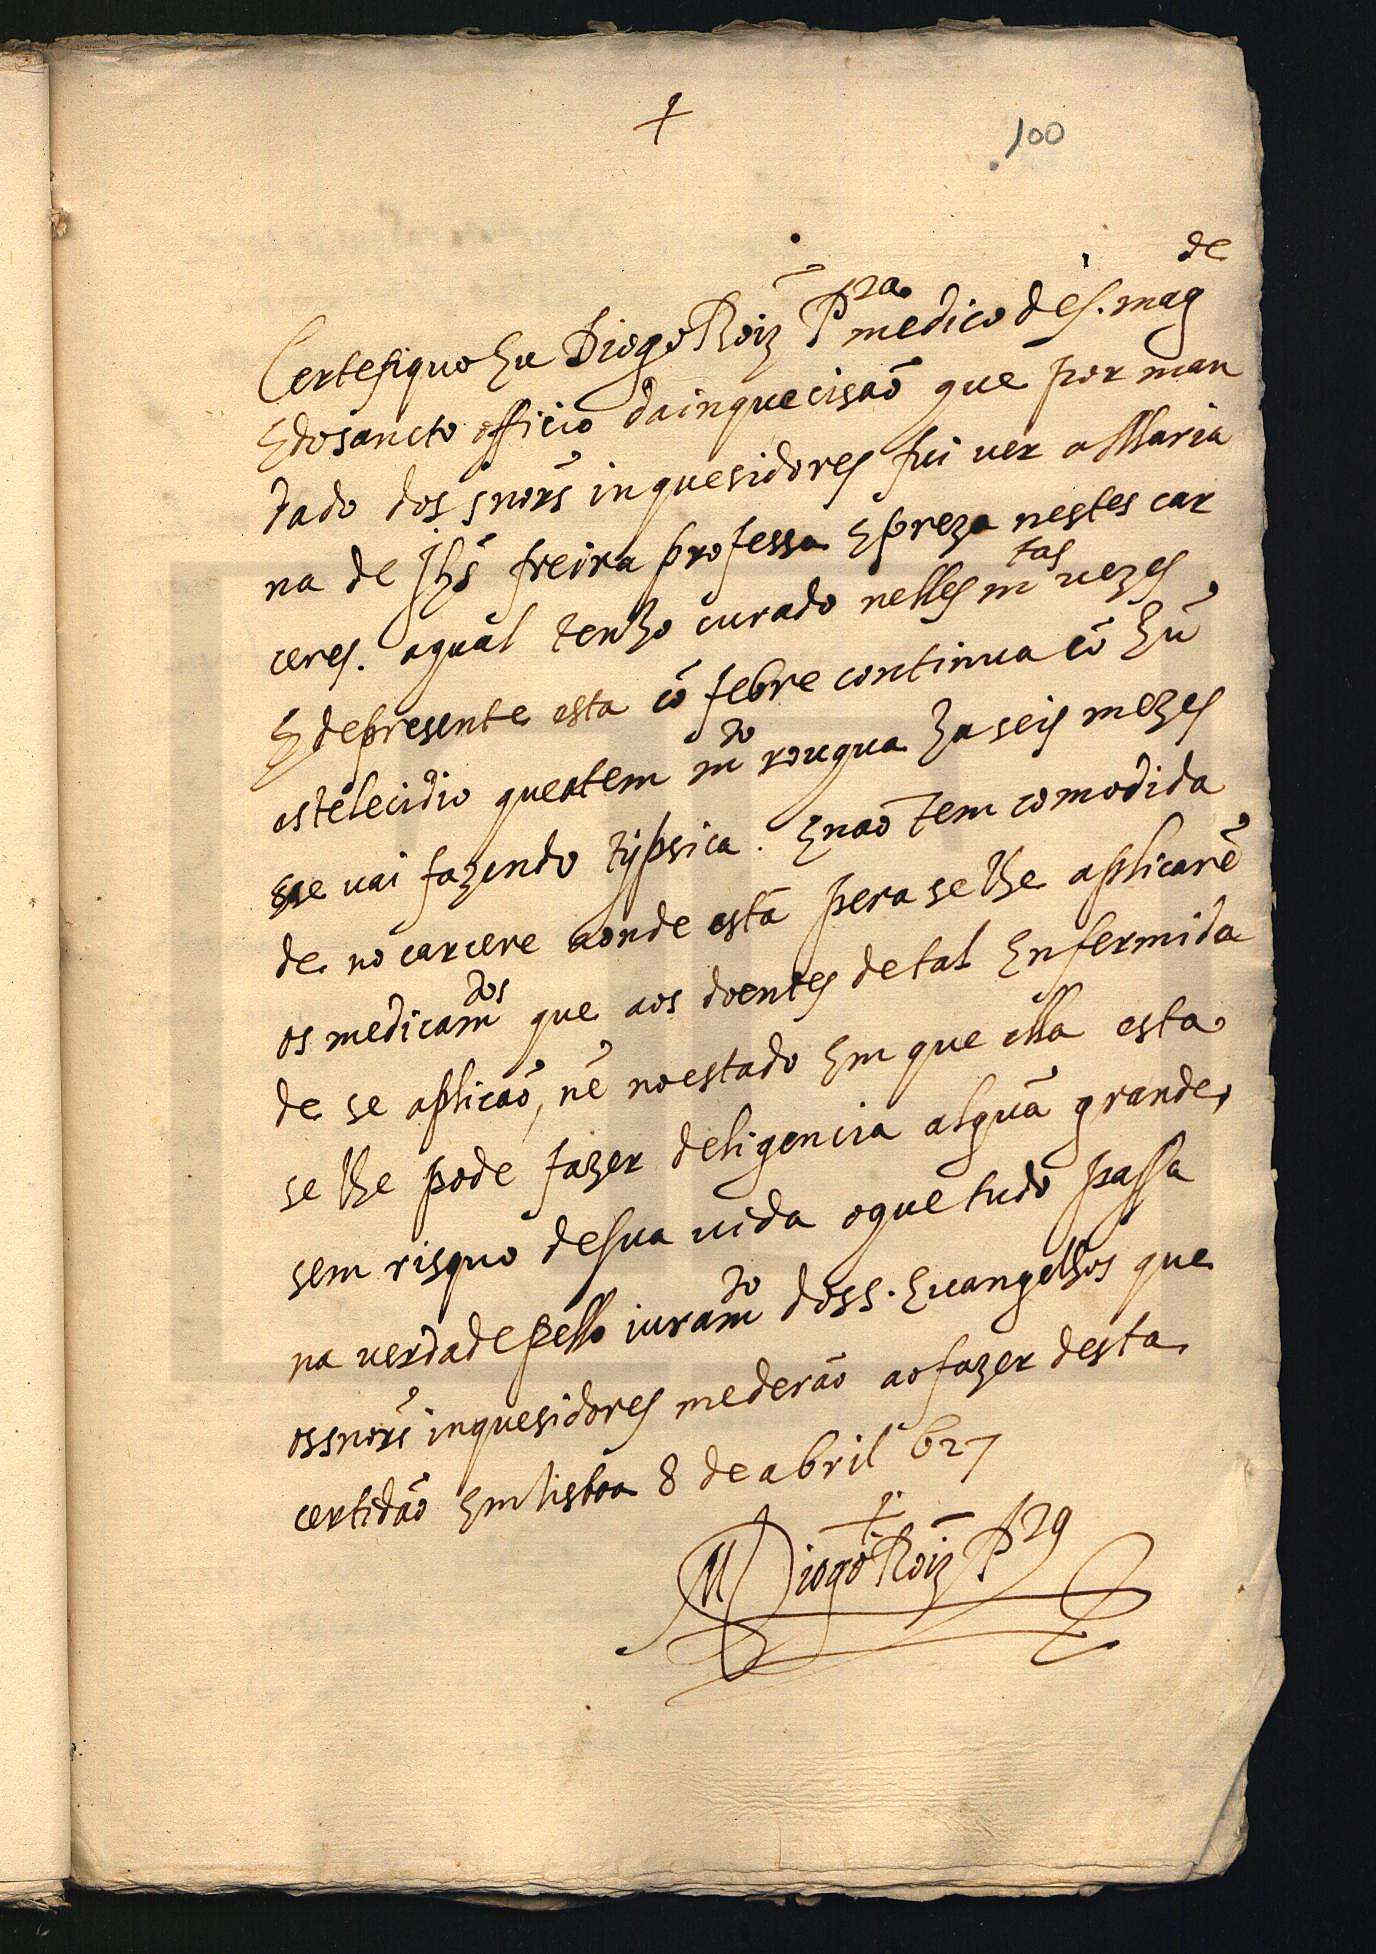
Certefiquo Eu Diogo Roiz̄ Pra medico de s. magde
E do sancto officio da inquecisaõ que por man
dado dos snors̄ inquesidores fui uer a Maria
na de Jhs̄ freira professa E preza nestes car
ceres. a qual tenho curado nelles mtas uezes
E de presente esta cō febre continua cō hū
estelecidio que a tem mto rouqua ha seis mezes
E se uai fazendo typsica. E naõ tem comodida
de no carcere aonde está pera se lhe aplicarē
os medicamtos que aos doentes de tal Enfermida
de se aplicão, nē no estado Em que ella esta
se lhe pode fazer deligencia alguā grande,
sem risquo de sua uida o que tudo passa
na uerdade pello iuramto dos s. Euangelhos que
os snors̄ inquesidores me deraõ ao fazer desta
certidão Em lisboa 8 de abril 627
